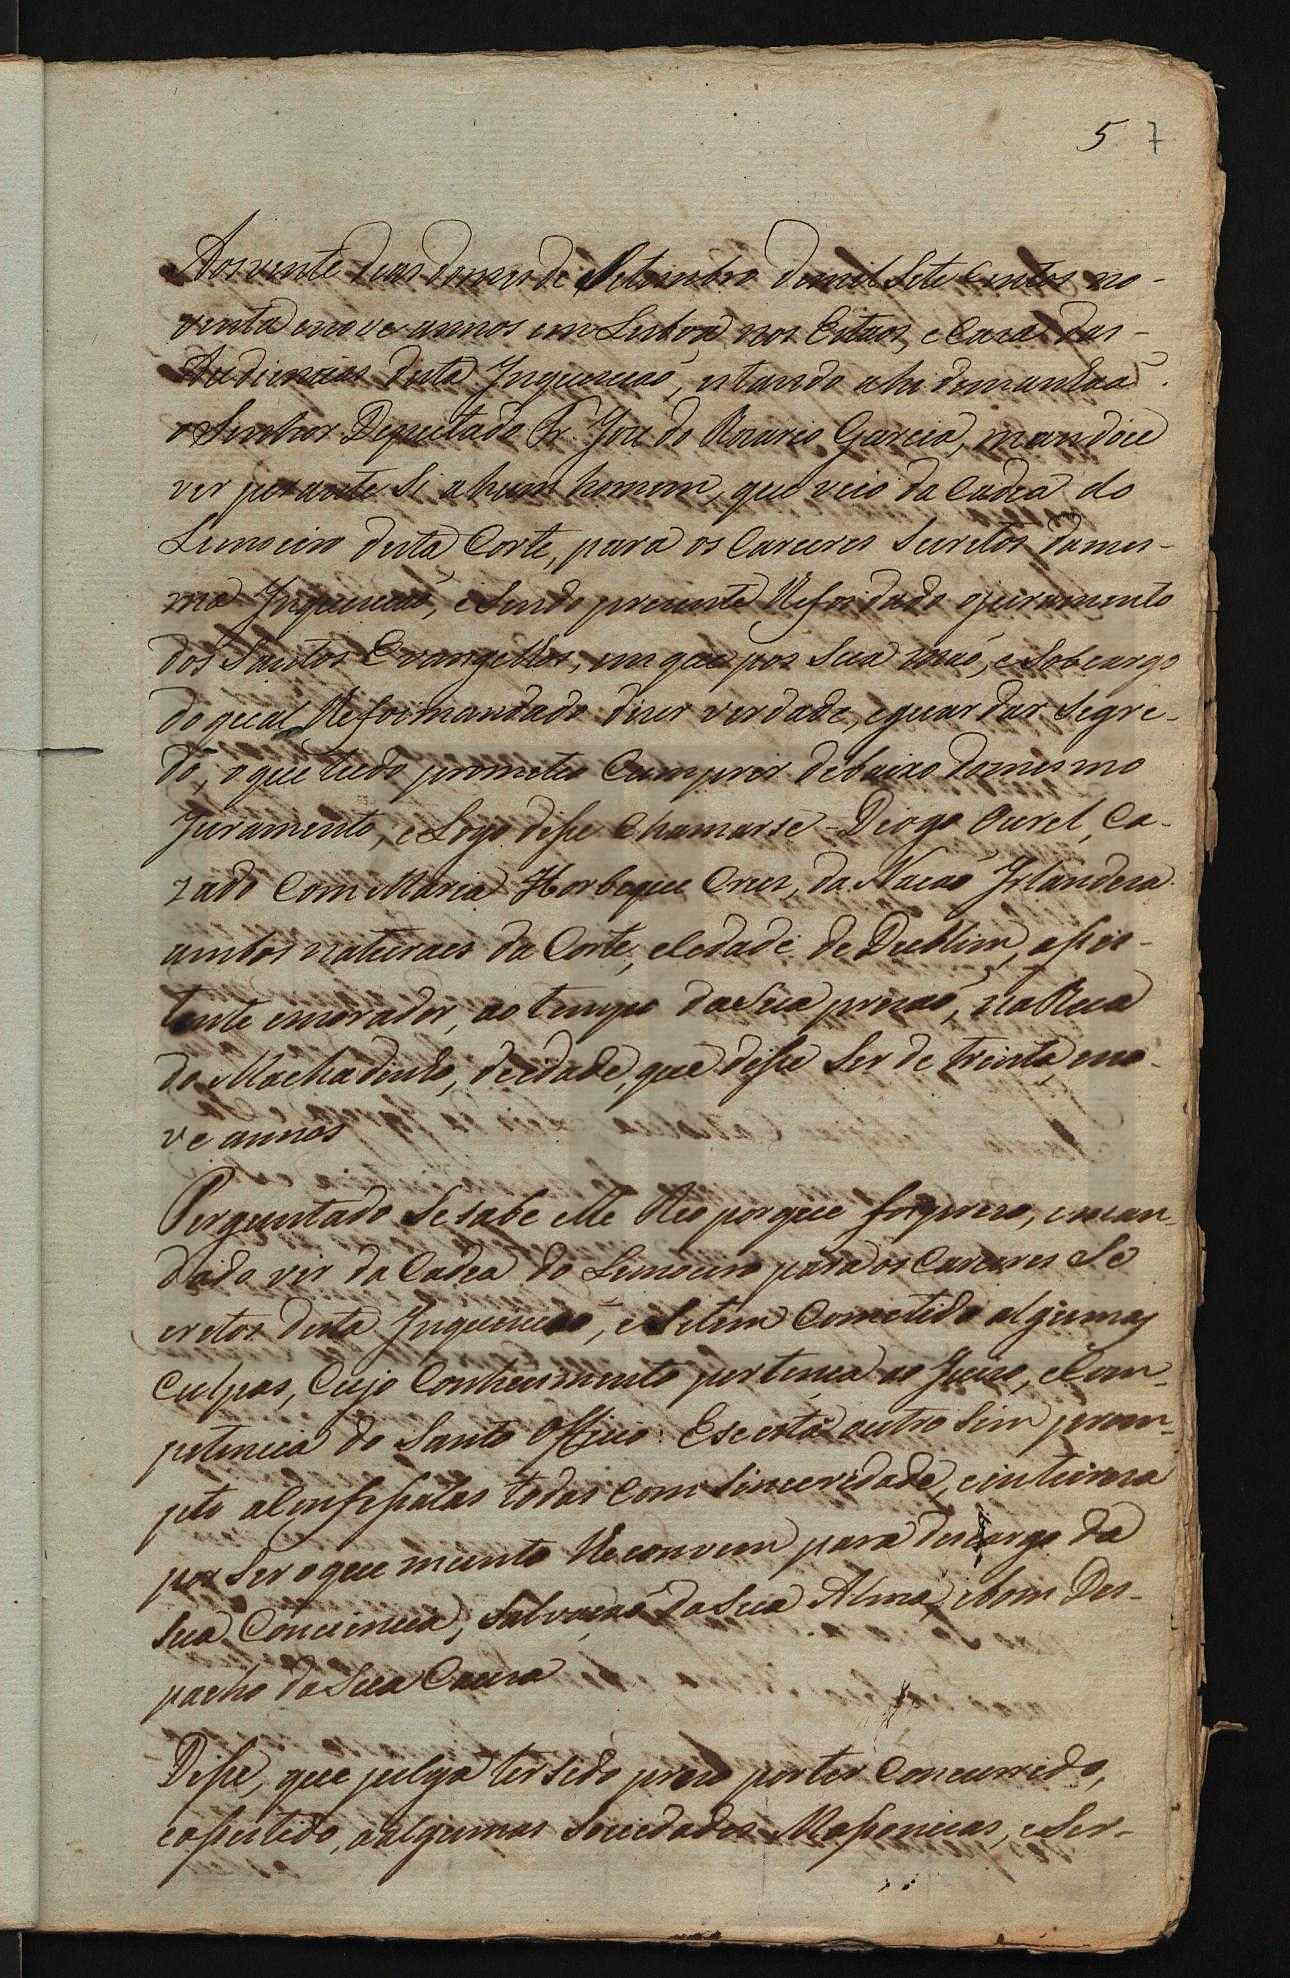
5
Aos vinte dias do mes de Setembro de mil SeteCentos no
venta e nove annos em Lisboa, nos Estaos, e Caza das
Audiencias desta Jnaquizicaõ, estando ahi de manhaã
o Senhor Deputado Fr Joze do Rozario Garcia, mandou
vir perante Si a hum homem, que veio da cadea do
Limoeiro desta Corte, para os Carceres Secretos da mes
ma Jnquizicaõ, e Sendo prezente lhe foi dado o juramento
dos Santos Evangelhos, em que pos Sua maõ, e sobcargo
do qual lhe foi mandado dizer verdade, e guardar Segre
do, o que tudo prometeo Cumprir debaixo do mesmo
Juramento, e Logo disse chamarse Diogo Ourel, ca
zado com Maria Horbeque Cruz, da Nacaõ Jrlandeza
ambos naturaes da Corte, e Cidade de Dublim, assis
tente e morador, ao tempo da Sua prisaõ, na Rua
do Machadinho, de idade, que disse Ser de trinta, e no
ve annos
Perguntado Se sabe elle Reo porque foi prezo, e man
dado vir da Cadea do Limoeiro para os carceres Se
cretos desta Jnquizicaõ, e se tem cometido algumas
culpas, cujo conhecimento pertença ao Juizo, e Com
petencia do Santo Officio: E se está outroSim prom
pto a confessalas todas com sinceridade, e inteireza
por Ser o que munto lhe convem para descargo da
sua Conciencia, Salvaçaõ da Sua Alma, e bom Des
pacho da Sua Cauza
Disse, que julga ter sido prezo por ter concurrido,
e assistido, a algumas Sociedades Massonicas, e Ser
